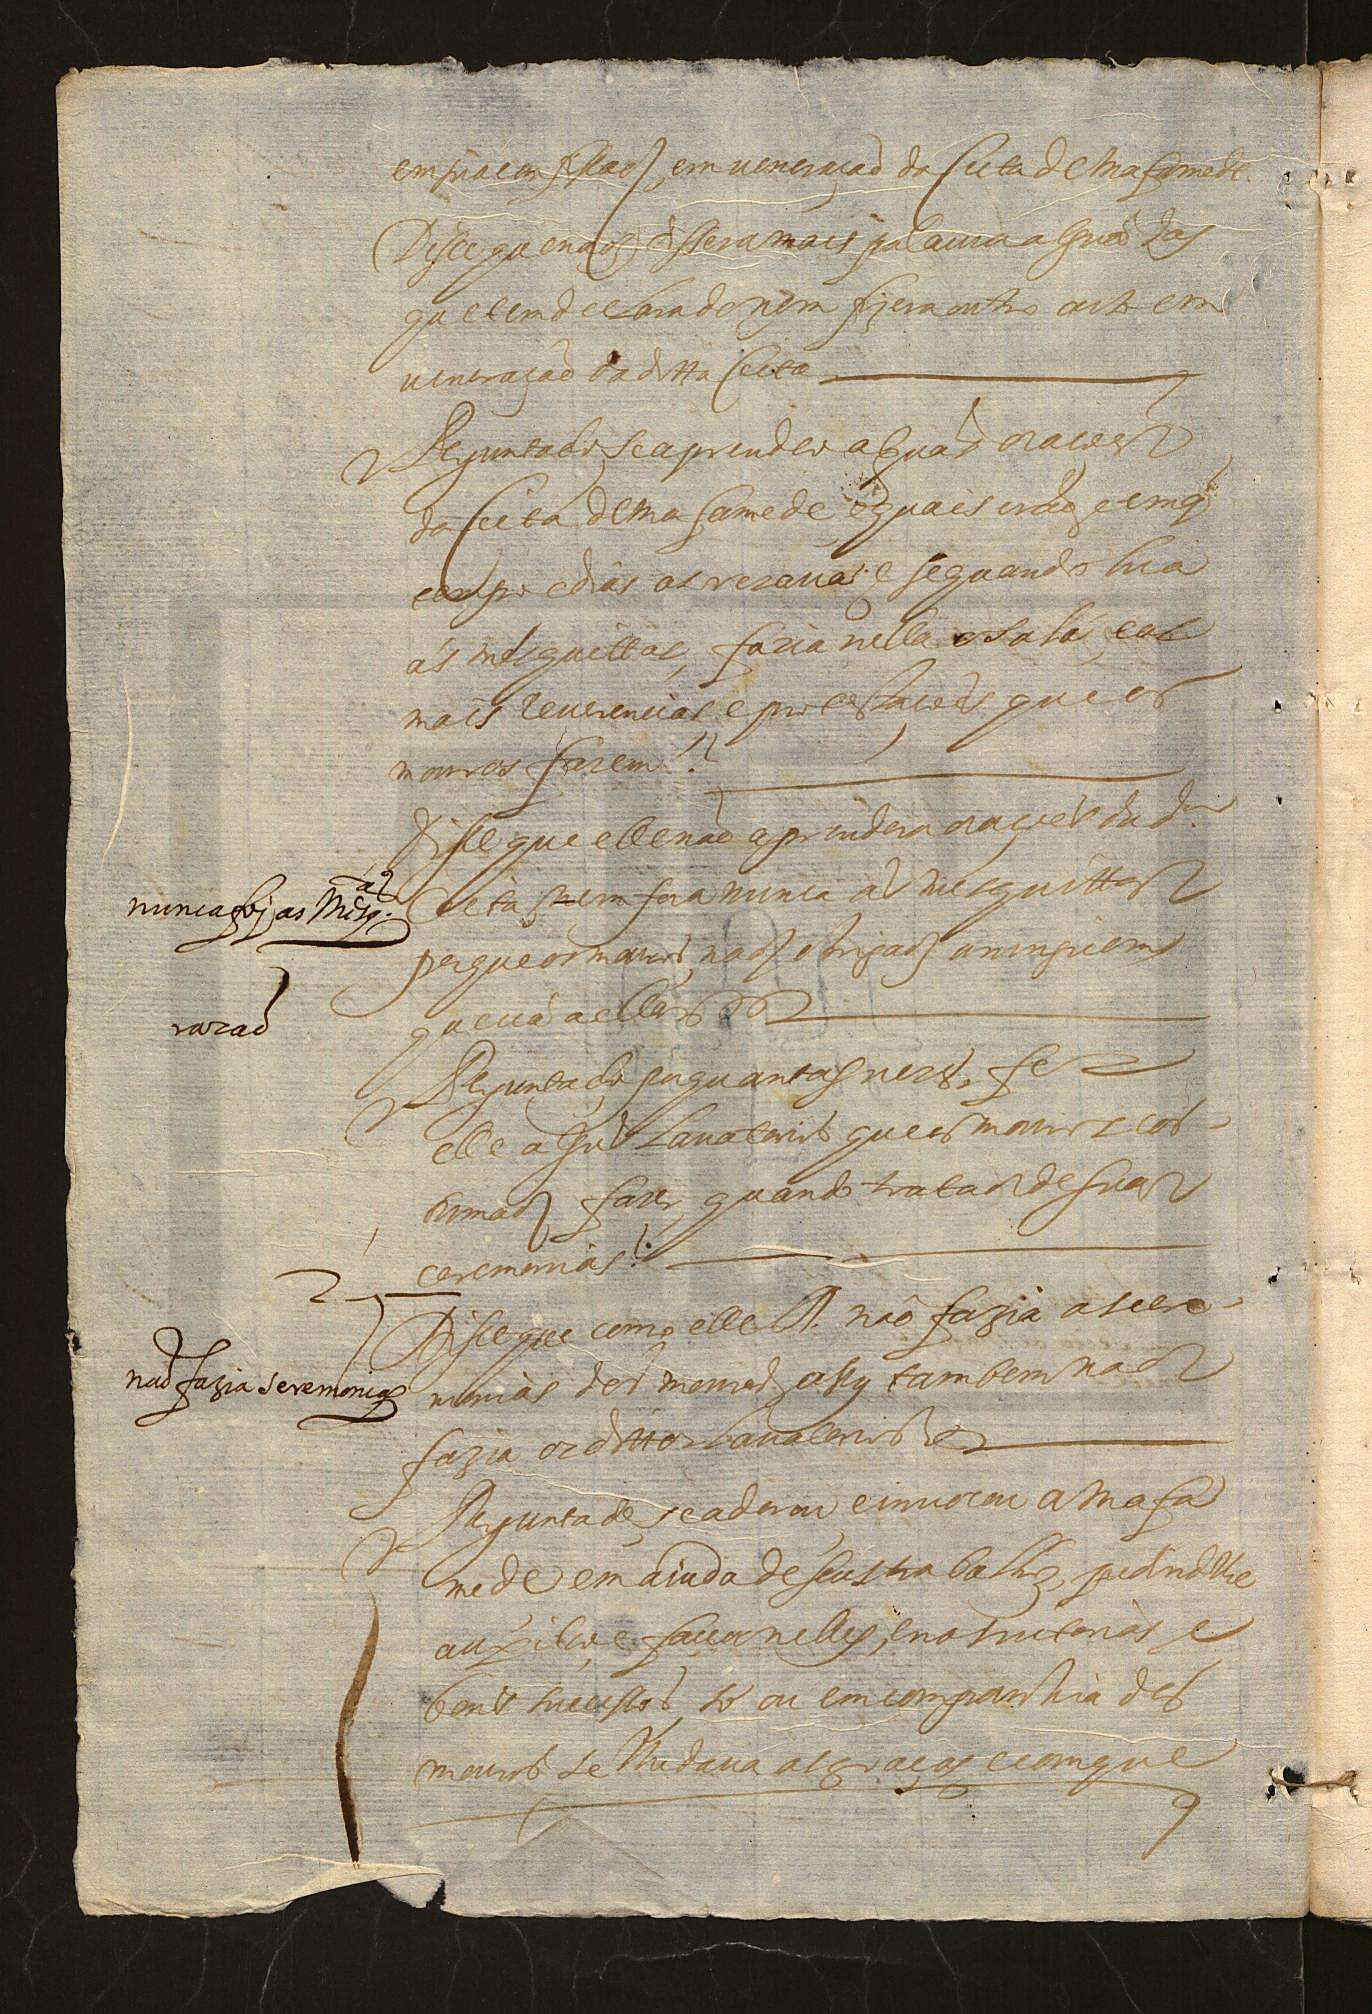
em sua confissaõ, em ueneraçaõ da Ceita de mafamede
Disse que naõ dissera mais palaura alguā das
que tem declarado nem fizera outro acto em
ueneraçaõ da ditta Ceita
item Perguntado se aprendeo alguās oraçoẽs
da Ceita de mafamede e quaes eraõ e em q̄
tempo e dias as rezaua e se quando hia
ás mesquittas, fazia nella o salá, e as
mais reuerencias, e protestaçoẽs que os
mouros fazem?
Disse que elle naõ aprendera oraçoẽs da d.a
Ceita nem fora nunca as mesquittas
nunca foj as Mesq.tas
porque os mouros naõ obrigaõ a ninguem
que uā a ellas
razaõ
item Perguntado por quantas uezes, fez
elle algūs Lauatorios que os mouros cos
tumaõ fazer, quando trataõ de suas
ceremonias?
Disse que como elle R. naõ fazia as cere
monias dos mouros assy tambem naõ
naõ fazia seremonias
fazia os dittos lauatorios
item Perguntado, se adorou e inuocou a mafa
mede em aiuda de seus trabalhos, pedindolhe
auxilio e fauor nelles, e nas uictorias e
bons sucessos, só ou em companhia dos
mouros se lhe daua as graças e com que
